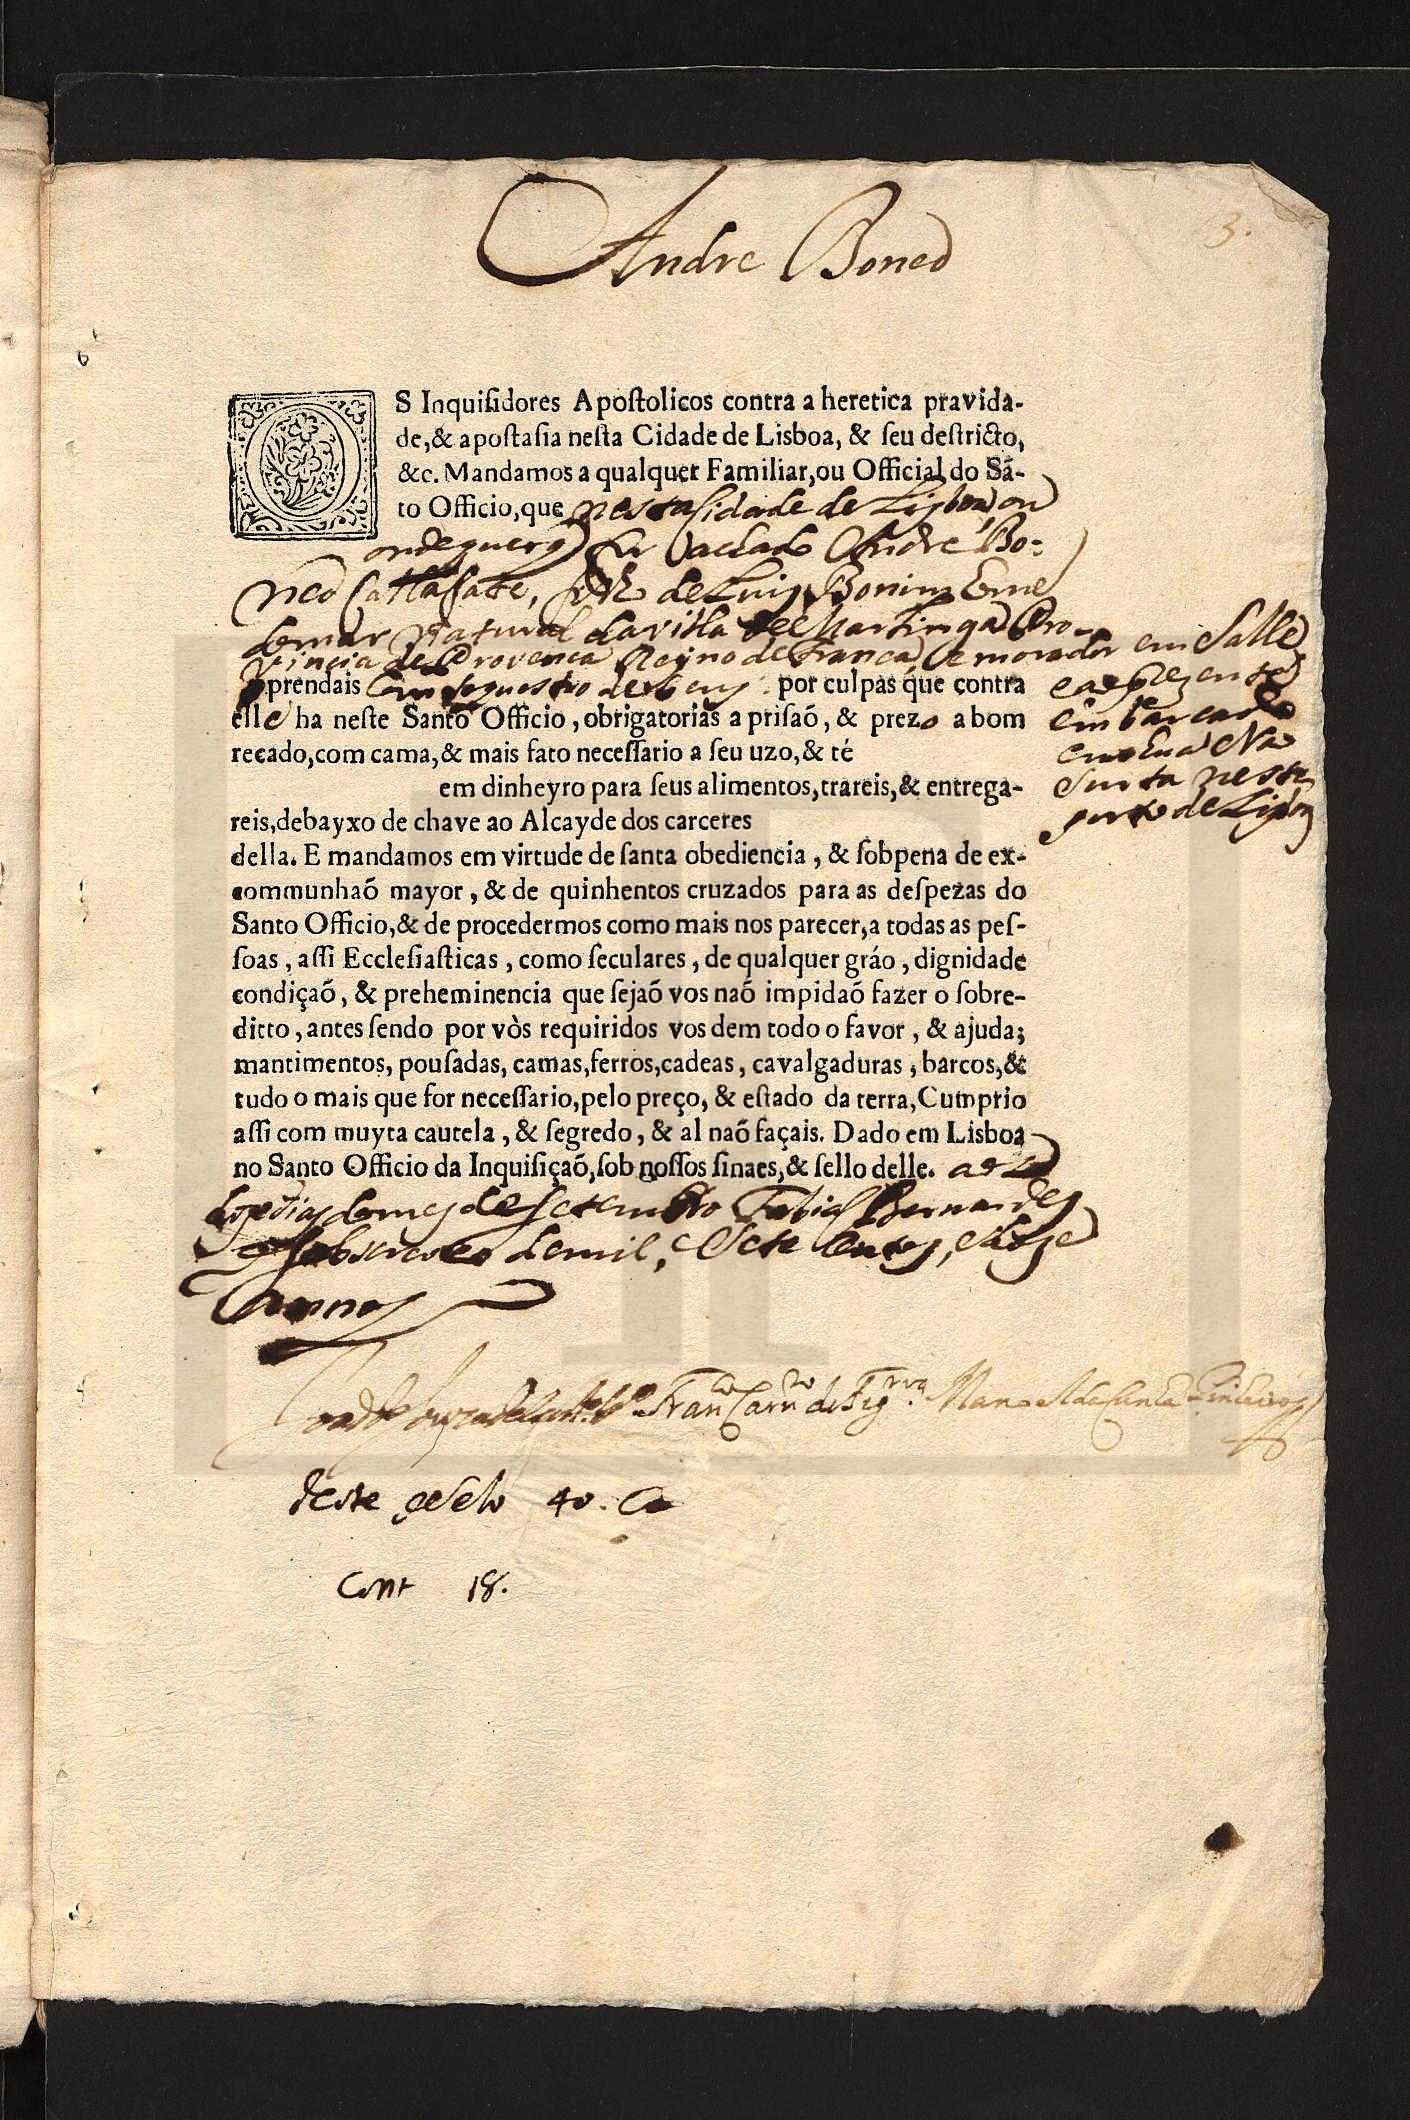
Andre Boned
S Inquisidores Apostolicos contra a heretica pravida
de, & apostasia nesta Cidade de Lisboa, & seu destricto,
&c. Mandamos a qualquer Familiar, ou Official do Sã
to Officio, que nesta Cidade de Lisboa, on
onde quer q̄ for achado Andre Bo
ned Callafate, filho de Luis Bonim homē
do mar natural da villa de Martinga Pro
vincia de Provença Reyno de França, e morador em Salle
e ao pRezente
embarcado
em hua Nao
sinta neste
porto de Lisboa
prendais com sequestro de bens: por culpas que contra
elle ha neste Santo Officio , obrigatorias a prisaõ, & prezo a bom
recado, com cama, & mais fato necessario a seu uzo, & té
em dinheyro para seus alimentos, trareis, & entrega
reis, debayxo de chave ao Alcayde dos carceres
della. E mandamos em virtude de santa obediencia, & sob pena de ex
communhaõ mayor, & de quinhentos cruzados para as despezas do
Santo Officio, & de procedermos como mais nos parecer, a todas as pes
soas, assi Ecclesiasticas, como seculares, de qualquer gráo, dignidade
condiçaõ, & preheminencia que sejaõ vos naõ impidaõ fazer o sobre
dicto, antes sendo por vòs requiridos vos dem todo o favor, & ajuda;
mantimentos, pousadas, camas, ferros, cadeas, cavalgaduras, barcos, &
tudo o mais que for necessario, pelo preço, & estado da terra, Cumprio
assim com muyta cautela , & segredo, & al naõ façais. Dado em Lisboa
no Santo Officio da Inquisiçaõ, sob nossos sinaes, & sello delle. aos
dose dias do mes de setembro Fabiaõ Bernardes
o sobscreveo de mil, e Setecentos, e doze
annos
Joaõ de souza de Cast.o bro Franco Carnro de Figroa. Manoel da Cunha Pinheiro
deste selo 40.
cont 18.
